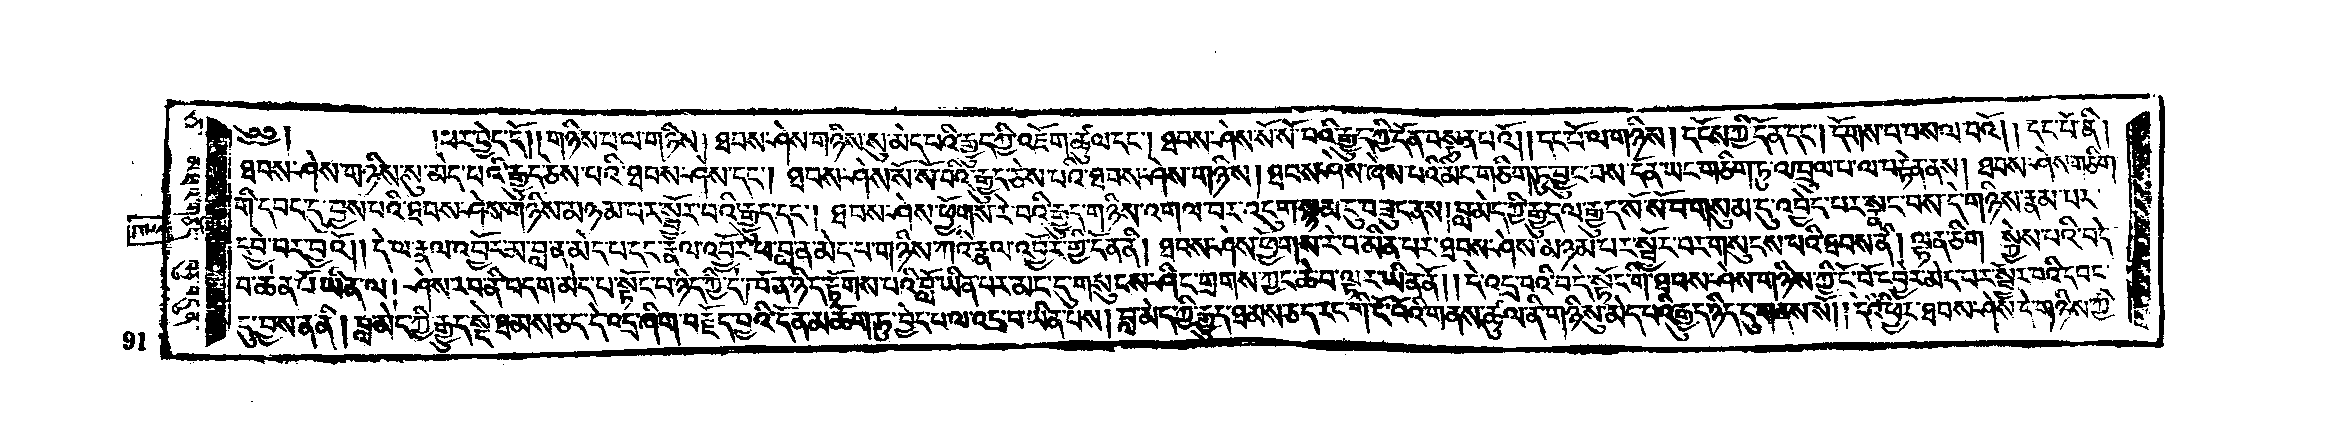༄༅། །པར་བྱེད་དོ། །གཉིས་པ་ལ་གཉིས། ཐབས་ཤེས་གཉིས་སུ་མེད་པའི་རྒྱུད་ཀྱི་འཇོག་ཚུལ་དང་། ཐབས་ཤེས་སོ་སོ་བའི་རྒྱུད་ཀྱི་དོན་བསྟན་པའོ། །དང་པོ་ལ་གཉིས། དངོས་ཀྱི་དོན་དང་། དོགས་པ་བསལ་བའོ། །དང་པོ་ནི།
ཐབས་ཤེས་གཉིས་སུ་མེད་པའི་རྒྱུད་ཅེས་པའི་ཐབས་ཤེས་དང་། ཐབས་ཤེས་སོ་སོ་བའི་རྒྱུད་ཅེས་པའི་ཐབས་ཤེས་གཉིས། ཐབས་ཤེས་ཞེས་པའི་མིང་གཅིག་ཏུ་བྱུང་བས་དོན་ཡང་གཅིག་ཏུ་འཁྲུལ་པ་ལ་བརྟེན་ནས། ཐབས་ཤེས་གཅིག་
གི་དབང་དུ་བྱས་པའི་ཐབས་ཤེས་གཉིས་མཉམ་པར་སྦྱོར་བའི་རྒྱུད་དང་། ཐབས་ཤེས་ཕྱོགས་རེ་བའི་རྒྱུད་གཉིས་འགལ་བར་འདུག་སྙམ་དུ་བཟུང་ནས། བླ་མེད་ཀྱི་རྒྱུད་ལ་རྒྱུད་སོ་སོ་བ་གསུམ་དུ་འབྱེད་པར་སྣང་བས་དེ་གཉིས་རྣམ་པར་
དབྱེ་བར་བྱའོ། །དེ་ལ་རྣལ་འབྱོར་མ་བླ་ན་མེད་པ་དང་རྣལ་འབྱོར་ཕ་བླ་ན་མེད་པ་གཉིས་ཀའི་རྣལ་འབྱོར་གྱི་དོན་ནི། ཐབས་ཤེས་ཕྱོགས་རེ་བ་མིན་པར་ཐབས་ཤེས་མཉམ་པར་སྦྱོར་བར་གསུངས་པའི་ཐབས་ནི། ལྷན་ཅིག་སྐྱེས་པའི་བདེ་
བ་ཆེན་པོ་ཡིན་ལ། ཤེས་རབ་ནི་བདག་མེད་པ་སྟོང་པ་ཉིད་ཀྱི་དེ་ཁོ་ན་ཉིད་རྟོགས་པའི་བློ་ཡིན་པར་མང་དུ་གསུངས་ཤིང་གྲགས་ཀྱང་ཆེ་བ་ལྟར་ཡིན་ནོ། །དེ་འདྲ་བའི་བདེ་སྟོང་གི་ཐབས་ཤེས་གཉིས་ཀྱི་ངོ་བོ་དབྱེར་མེད་པར་སྦྱོར་བའི་དབང་
དུ་བྱས་ན་ནི། བླ་མེད་ཀྱི་རྒྱུད་སྡེ་ཐམས་ཅད་དེ་འདྲ་ཞིག་བརྗོད་བྱའི་དོན་མཆོག་ཏུ་བྱེད་པ་ལ་འདྲ་བ་ཡིན་པས། བླ་མེད་ཀྱི་རྒྱུད་ཐམས་ཅད་རང་གི་ངོ་བོའི་གནས་ཚུལ་ནི་གཉིས་སུ་མེད་པའི་རྒྱུད་ཉིད་དུ་གནས་སོ། །དེའི་ཕྱིར་ཐབས་ཤེས་དེ་གཉིས་ཀྱི་